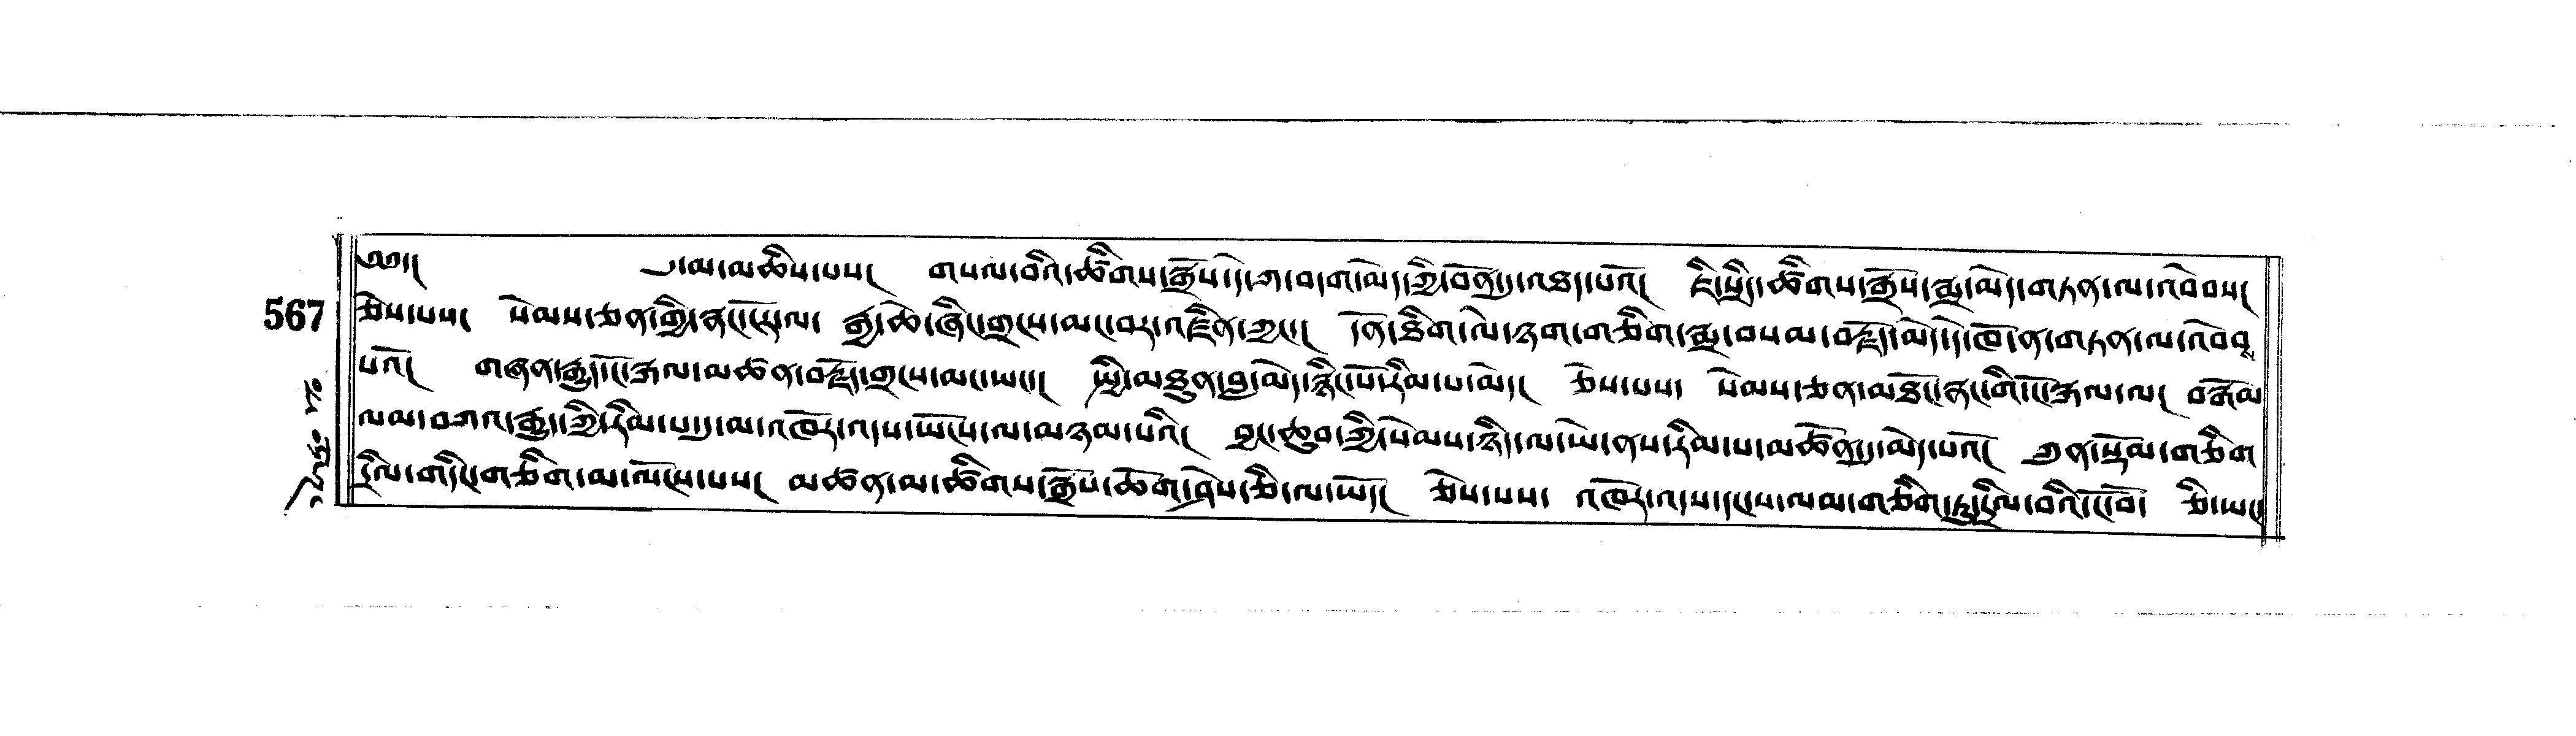དུ་མ་མཆིས་པས། གསལ་བའི་ཚིག་སྒྲོས་དེ་ཀ་བདག་མེད་ཀྱི་བོན་དུ་འཐད་པའོ། ཇི་སྲིད་ཚིག་སྒྲོས་སྨྲ་མེད་གཏན་ལ་འབེབས། 
ཅེས་པས། སེམས་ཅན་གྱི་སྣང་ངོ་ལ། རྒྱ་ཆེ་ཞིང་གྲངས་མང་བར་འཛིན་ཀྱང་། དོན་ཐིག་ལེ་ཉག་ཅིག་སྨྲ་བསམ་བརྗོད་མེད་དེ་ཁོ་ན་གཏན་ལ་འབེབས་
པའོ། གཞན་རྒྱུད་ངོ་སྐལ་མཚན་བརྗོད་གྲངས་མང་ཡང་། སྤྱི་མཐུན་བླ་མེད་སྙིང་པོ་རིམ་པ་མེད། ཅེས་པས། སེམས་ཅན་མཐོང་སྣང་གི་ངོ་སྐལ་ལ། བསྒོམ་
ལམ་བཀའ་བརྒྱུད་ཀྱི་རིམ་པ་དུ་མ་འཁོར་འདས་ཡོངས་ལ་མཉམ་པའི། བྱང་ཆུབ་ཀྱི་སེམས་ཉིད་ལ་ཡེ་ནས་རིམ་པ་མཚོན་དུ་མེད་པའོ། ཀུན་སྡོམ་གཅིག་
དྲིལ་སྡོམ་ཅིག་མ་ལོངས་པས། མཚན་མ་ཚིག་སྒྲོས་ཆོག་ཤེས་ཅི་ལ་ཡོད། ཅེས་པས། འཁོར་འདས་དང་ས་ལམ་གཅིག་ལ་དྲིལ་བའི་ངོ་བོ། ཅི་ཡང་